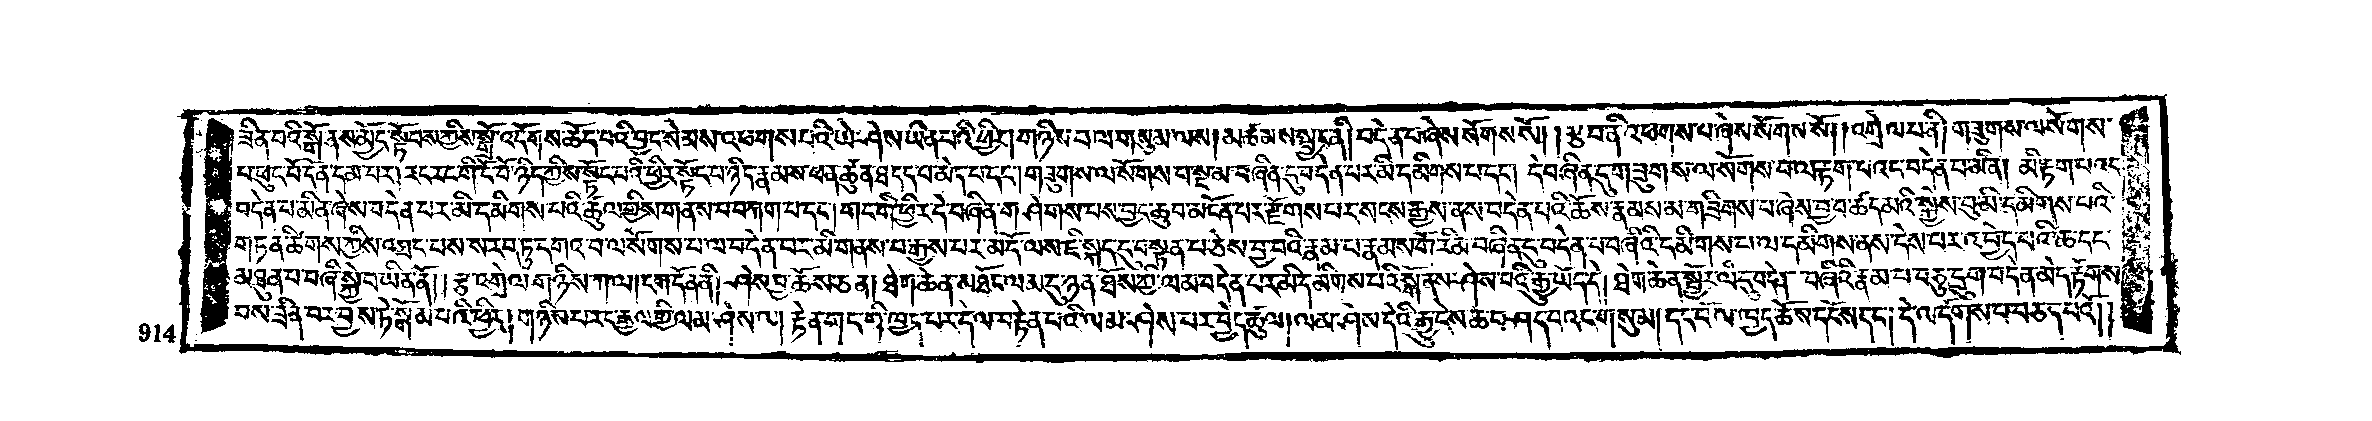ཟིན་པའི་སྒོ་ནས་མྱོང་སྟོབས་ཀྱིས་སྒྲོ་འདོགས་ཆོད་པའི་བྱང་སེམས་འཕགས་པའི་ཡེ་ཤེས་ཡིན་པའི་ཕྱིར། གཉིས་པ་ལ་གསུམ་ལས། མཚམས་སྦྱར་ནི། བདེན་པ་ཞེས་སོགས་སོ། །རྩ་བ་ནི་འཕགས་པ་ཞེས་སོགས་སོ། །འགྲེལ་པ་ནི། གཟུགས་ལ་སོགས་
པ་ཕུང་པོ་དོན་དམ་པར། རང་རང་གི་ངོ་བོ་ཉིད་ཀྱིས་སྟོང་པའི་ཕྱིར་སྟོང་པ་ཉིད་རྣམས་ཕན་ཚུན་ཐ་དད་པ་མེད་པ་དང་། གཟུགས་ལ་སོགས་པ་སྔ་མ་བཞིན་དུ་བདེན་པར་མི་དམིགས་པ་དང་། དེ་བཞིན་དུ་གཟུགས་ལ་སོགས་པ་ལ་རྟག་པའང་བདེན་པ་མིན། མི་རྟག་པའང་
བདེན་པ་མིན་ཞེས་བདེན་པར་མི་དམིགས་པའི་ཚུལ་གྱིས་གནས་པ་བཀག་པ་དང་། གང་གི་ཕྱིར་དེ་བཞིན་གཤེགས་པས་བྱང་ཆུབ་མངོན་པར་རྫོགས་པར་སངས་རྒྱས་ནས་བདེན་པའི་ཆོས་རྣམས་མ་གཟིགས་པ་ཞེས་བྱ་བ་ཚད་མའི་སྐྱེས་བུ་མི་དམིགས་པའི་
གཏན་ཚིགས་ཀྱིས་འཐད་པས་ས་རབ་ཏུ་དགའ་བ་ལ་སོགས་པ་ལ་བདེན་པར་མི་གནས་པ་རྒྱས་པར་མདོ་ལས་ཇི་སྐད་དུ་བསྟན་པ་ཅེས་བྱ་བའི་རྣམ་པ་རྣམས་གོ་རིམ་བཞིན་དུ་བདེན་པ་བཞིའི་དམིགས་པ་ལ་དམིགས་ནས་དེས་པར་འབྱེད་པའི་ཆ་དང་
མཐུན་པ་བཞི་སྐྱེ་བ་ཡིན་ནོ། །རྩ་འགྲེལ་གཉིས་ཀ་ལ། ངག་དོན་ནི། ཤེས་བྱ་ཆོས་ཅན། ཐེག་ཆེན་མཐོང་ལམ་དུ་ཉན་ཐོས་ཀྱི་ལམ་བདེན་པར་མི་དམིགས་པའི་སྒོ་ནས་ཤེས་པའི་རྒྱུ་ཡོད་དེ། ཐེག་ཆེན་སྦྱོར་ལམ་དུ་བདེན་བཞིའི་རྣམ་པ་བཅུ་དྲུག་བདེན་མེད་རྟོགས་
པས་ཟིན་པར་བྱས་ཏེ་སྒོམ་པའི་ཕྱིར། གཉིས་པ་རང་རྒྱལ་གྱི་ལམ་ཤེས་ལ། རྟེན་གང་གི་ཁྱད་པར་དེ་ལ་བརྟེན་པའི་ལམ་ཤེས་པར་བྱེད་ཚུལ། ལམ་ཤེས་དེའི་རྒྱུ་ངེས་ཆ་བཤད་པའང་གསུམ། དང་པོ་ལ་ཁྱད་ཆོས་དངོས་དང་། དེ་ལ་དོགས་པ་བཅད་པའོ། །